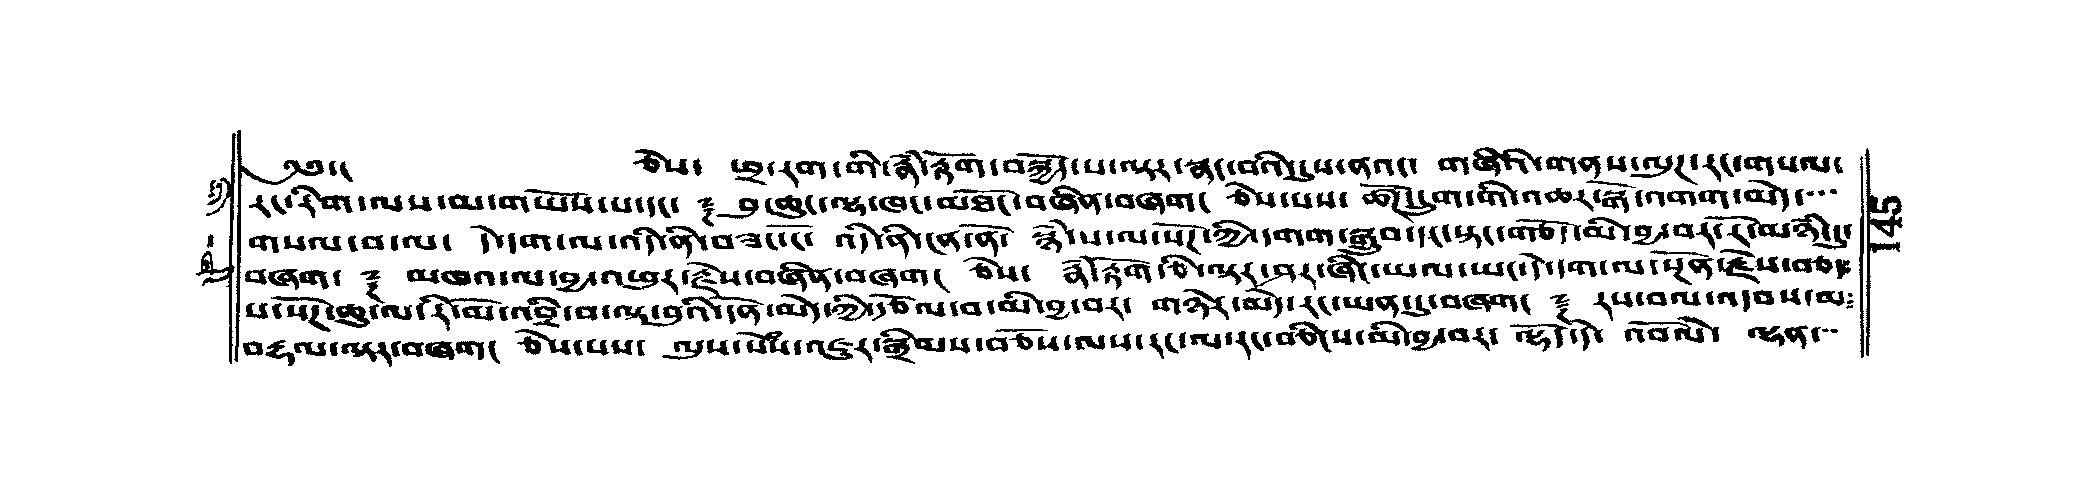ཅེས། ཕྲ་རག་གི་རྣམ་རྟོག་བསྐྱོད་པ་ལྟར་སྣང་བའི་དུས་ནའང་། གཞིའི་གནས་ལུགས་རང་གསལ་
རང་རིག་ལས་མ་གཡོས་པ་དང་། བུ་ཆུང་ལྷ་ཁང་མཐོང་བཞིན་བཞག ཅེས་པས། ཚོགས་དྲུག་གི་འཆར་སྒོ་འགག་མེད་
གསལ་བ་ལ།དེ་དག་ལ་འདི་ནི་བཟང་ངོ་། འདི་ནི་ངན་ནོ། སྙམ་པ་ལ་སོགས་ཀྱི་དགག་སྒྲུབ་དང་སྟངས་གཅོད་མི་བྱ་བར་རོ་མཉམ་དུ་
བཞག མཁའ་ལ་བྱ་འཕུར་རྗེས་བཞིན་བཞག ཅེས་རྣམ་རྟོག་ཅི་ལྟར་ཤར་ཞིང་ཡལ་ཡང་དེ་དག་ལ་སྔོན་རྗེས་བཙད་
པ་སོགས་ཆུ་ལ་རི་མོ་འབྲི་བ་ལྟ་བུའི་དོན་མེད་ཀྱི་རྩོལ་བ་མི་བྱ་བར་གཉེར་མེད་རང་ཡན་དུ་བཞག རས་བལ་འདབ་མ་
བརྡལ་ལྟར་བཞག ཅེས་པས། ལུས་སེམས་འཇུར་སྒྲིམས་བཅོས་ལས་རང་ལ་རང་བཅིངས་མི་བྱ་བར། ལྷོད་དེ། འབོལ་ལེ། ལྷན་